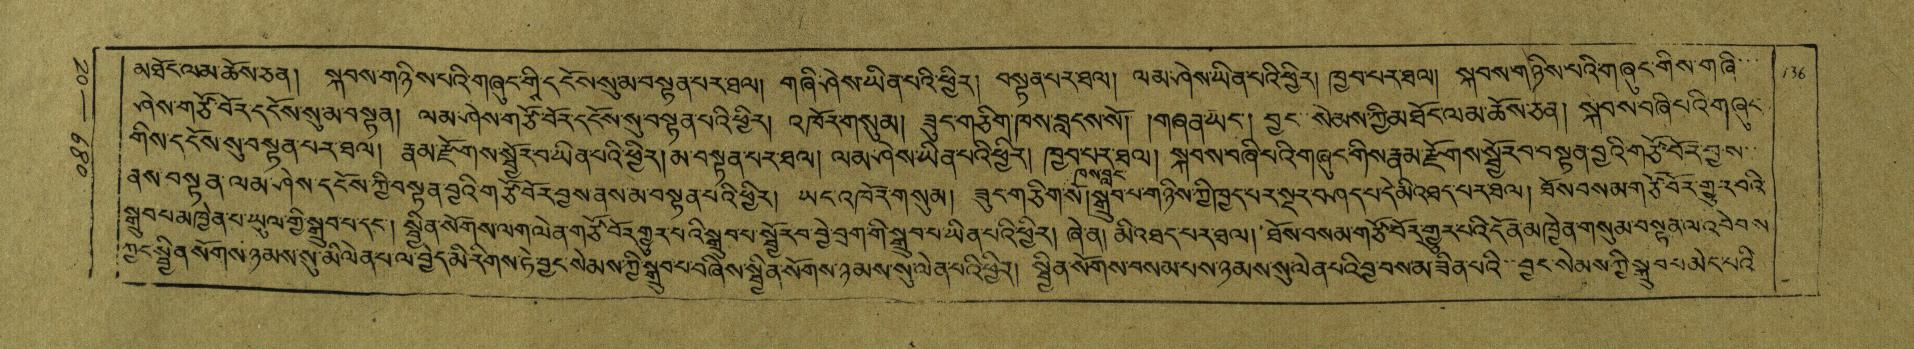མཐོང་ལམ་ཆོས་ཅན། སྐབས་གཉིས་པའི་གཞུང་གིས་དངོས་སུ་མ་བསྟན་པར་ཐལ། གཞི་ཤེས་ཡིན་པའི་ཕྱིར། བསྟན་པར་ཐལ། ལམ་ཤེས་ཡིན་པའི་ཕྱིར། ཁྱབ་པར་ཐལ། སྐབས་གཉིས་པའི་གཞུང་གིས་གཞི་
ཤེས་གཙོ་བོར་དངོས་སུ་མ་བསྟན། ལམ་ཤེས་གཙོ་བོར་དངོས་སུ་བསྟན་པའི་ཕྱིར། འཁོར་གསུམ། ཟུང་གཅིག་ཁས་བླངས་སོ། །གཞན་ཡང་། བྱང་སེམས་ཀྱི་མཐོང་ལམ་ཆོས་ཅན། སྐབས་བཞི་པའི་གཞུང་
གིས་དངོས་སུ་བསྟན་པར་ཐལ། རྣམ་རྫོགས་སྦྱོར་བ་ཡིན་པའི་ཕྱིར། མ་བསྟན་པར་ཐལ། ལམ་ཤེས་ཡིན་པའི་ཕྱིར། ཁྱབ་པར་ཐལ། སྐབས་བཞི་པའི་གཞུང་གིས་རྣམ་རྫོགས་སྦྱོར་བ་བསྟན་པའི་གཙོ་བོར་བྱས་
ནས་བསྟན་ལམ་ཤེས་དངོས་ཀྱི་བསྟན་བྱའི་གཙོ་བོར་བྱས་ནས་མ་བསྟན་པའི་ཕྱིར། ཡང་འཁོར་གསུམ། ཟུང་གཅིག་ཁས་བླང་སོ། སྒྲུབ་པ་གཉིས་ཀྱི་ཁྱད་པར་སྔར་བཤད་པ་དེ་མི་འཐད་པར་ཐལ། ཐོས་བསམ་གཙོ་བོར་གྱུར་བའི་
སྒྲུབ་པ་མཁྱེན་པ་ཡུལ་གྱི་སྒྲུབ་པ་དང་། སྦྱིན་སོགས་ལག་ལེན་གཙོ་བོར་གྱུར་པའི་སྒྲུབ་པ་སྦྱོར་བ་བྱེ་བྲག་གི་སྒྲུབ་པ་ཡིན་པའི་ཕྱིར། ཞེ་ན། མི་འཐད་པར་ཐལ། ཐོས་བསམ་གཙོ་བོར་གྱུར་པའི་དོན་མཁྱེན་གསུམ་བསྟན་ལ་འབེབས་
ཀྱང་སྦྱིན་སོགས་ཉམས་སུ་མི་ལེན་པ་ལ་བྱེད་མི་རིགས་ཏེ་བྱང་སེམས་ཀྱི་སྒྲུབ་པ་བཞིས་སྦྱིན་སོགས་སུ་ལེན་པའི་ཕྱིར། སྦྱིན་སོགས་བསམ་པས་ཉམས་སུ་ལེན་པའི་བྱ་བས་མ་ཟིན་པའི་བྱང་སེམས་ཀྱི་སྒྲུབ་པ་མེད་པའི་